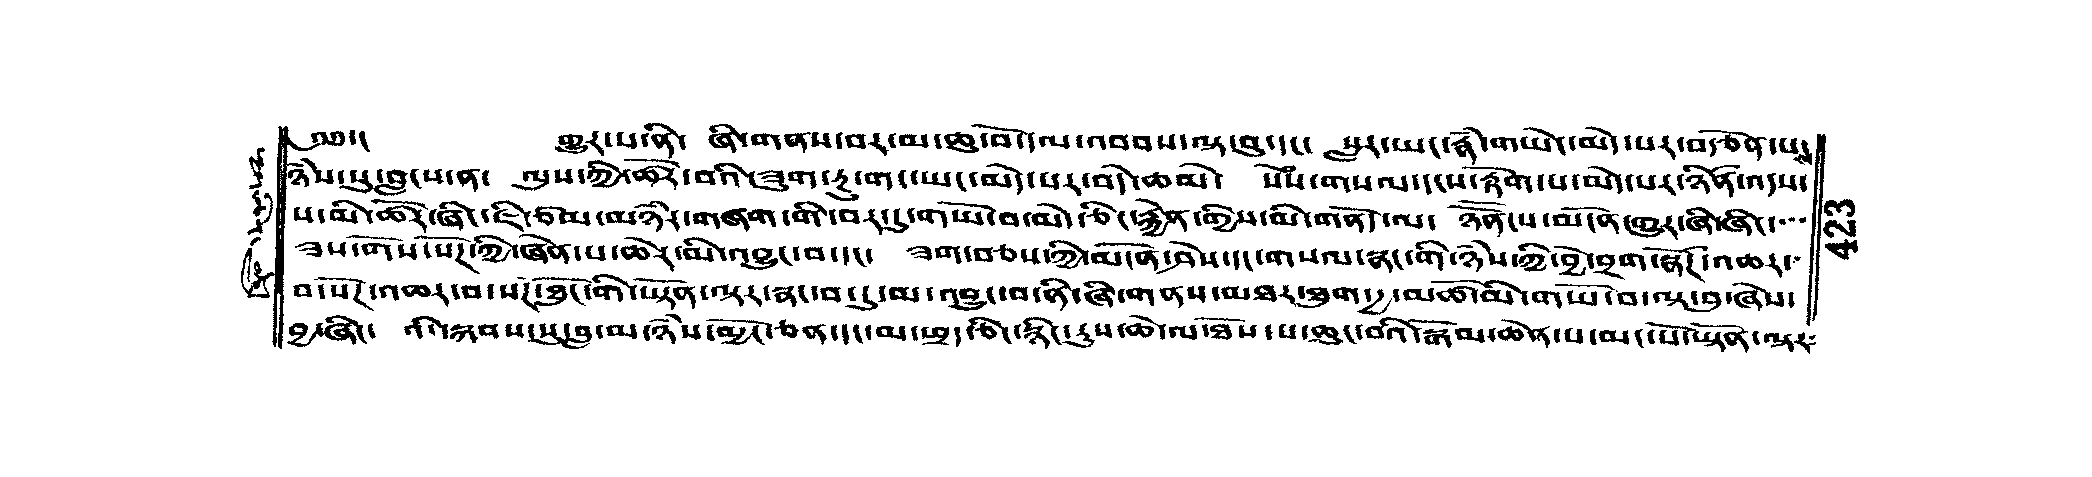གྱུར་པ་ནི། ཞི་གནས་བར་མ་ཆུ་བོ་དལ་འབབ་ལྟ་བུ་དང་། སླར་ཡང་རྣམ་གཡེང་མེད་པར་བརྩོན་པས་
ཉམས་སུ་བླངས་ན། ལུས་ཀྱི་ཚོར་བའི་ཟུག་རྔུ་གང་ཡང་མེད་པར་བདེ་ཆམ་མེ། སེམས་གསལ་དྭངས་རྟོག་པ་མེད་པར་ཉིན་མཚན་འདས་
པ་མི་ཚོར་ཞིང་ཇི་ཙམ་མཉམ་པར་གཞག་གི་བར་དུ་གཡོ་བ་མེད་ཅིང་རྐྱེན་གྱིས་མི་གནོད་ལ། ཉོན་མོངས་མངོན་གྱུར་ཞི་ཞིང་
ཟས་གོས་སོགས་ཀྱི་ཞེན་པ་ཆེར་མི་འབྱུང་བ་དང་།ཟག་བཅས་ཀྱི་མངོན་ཤེས་དང་གསལ་སྣང་གི་ཉམས་ཀྱི་བྱེ་བྲག་སྣ་ཚོགས་འཆར་
བ་སོགས་ཐུན་མོང་གི་ཡོན་ཏན་ལྟར་སྣང་བ་དུ་མ་འབྱུང་བ་ནི་ཞི་གནས་མཐར་ཐུག་རྒྱ་མཚོ་མི་གཡོ་བ་ལྟ་བུ་ཞེས་
བྱ་ཞིང་། འདི་སྐབས་སུ་བླ་མ་ཉམས་མྱོང་ཅན་དང་མ་ཕྲད་ཅིང་སྙིང་རུས་ཆེ་ལ་ཐོས་པ་ཆུང་བའི་སྒོམ་ཆེན་པ་མང་པོ་ཡོན་ཏན་ལྟར་